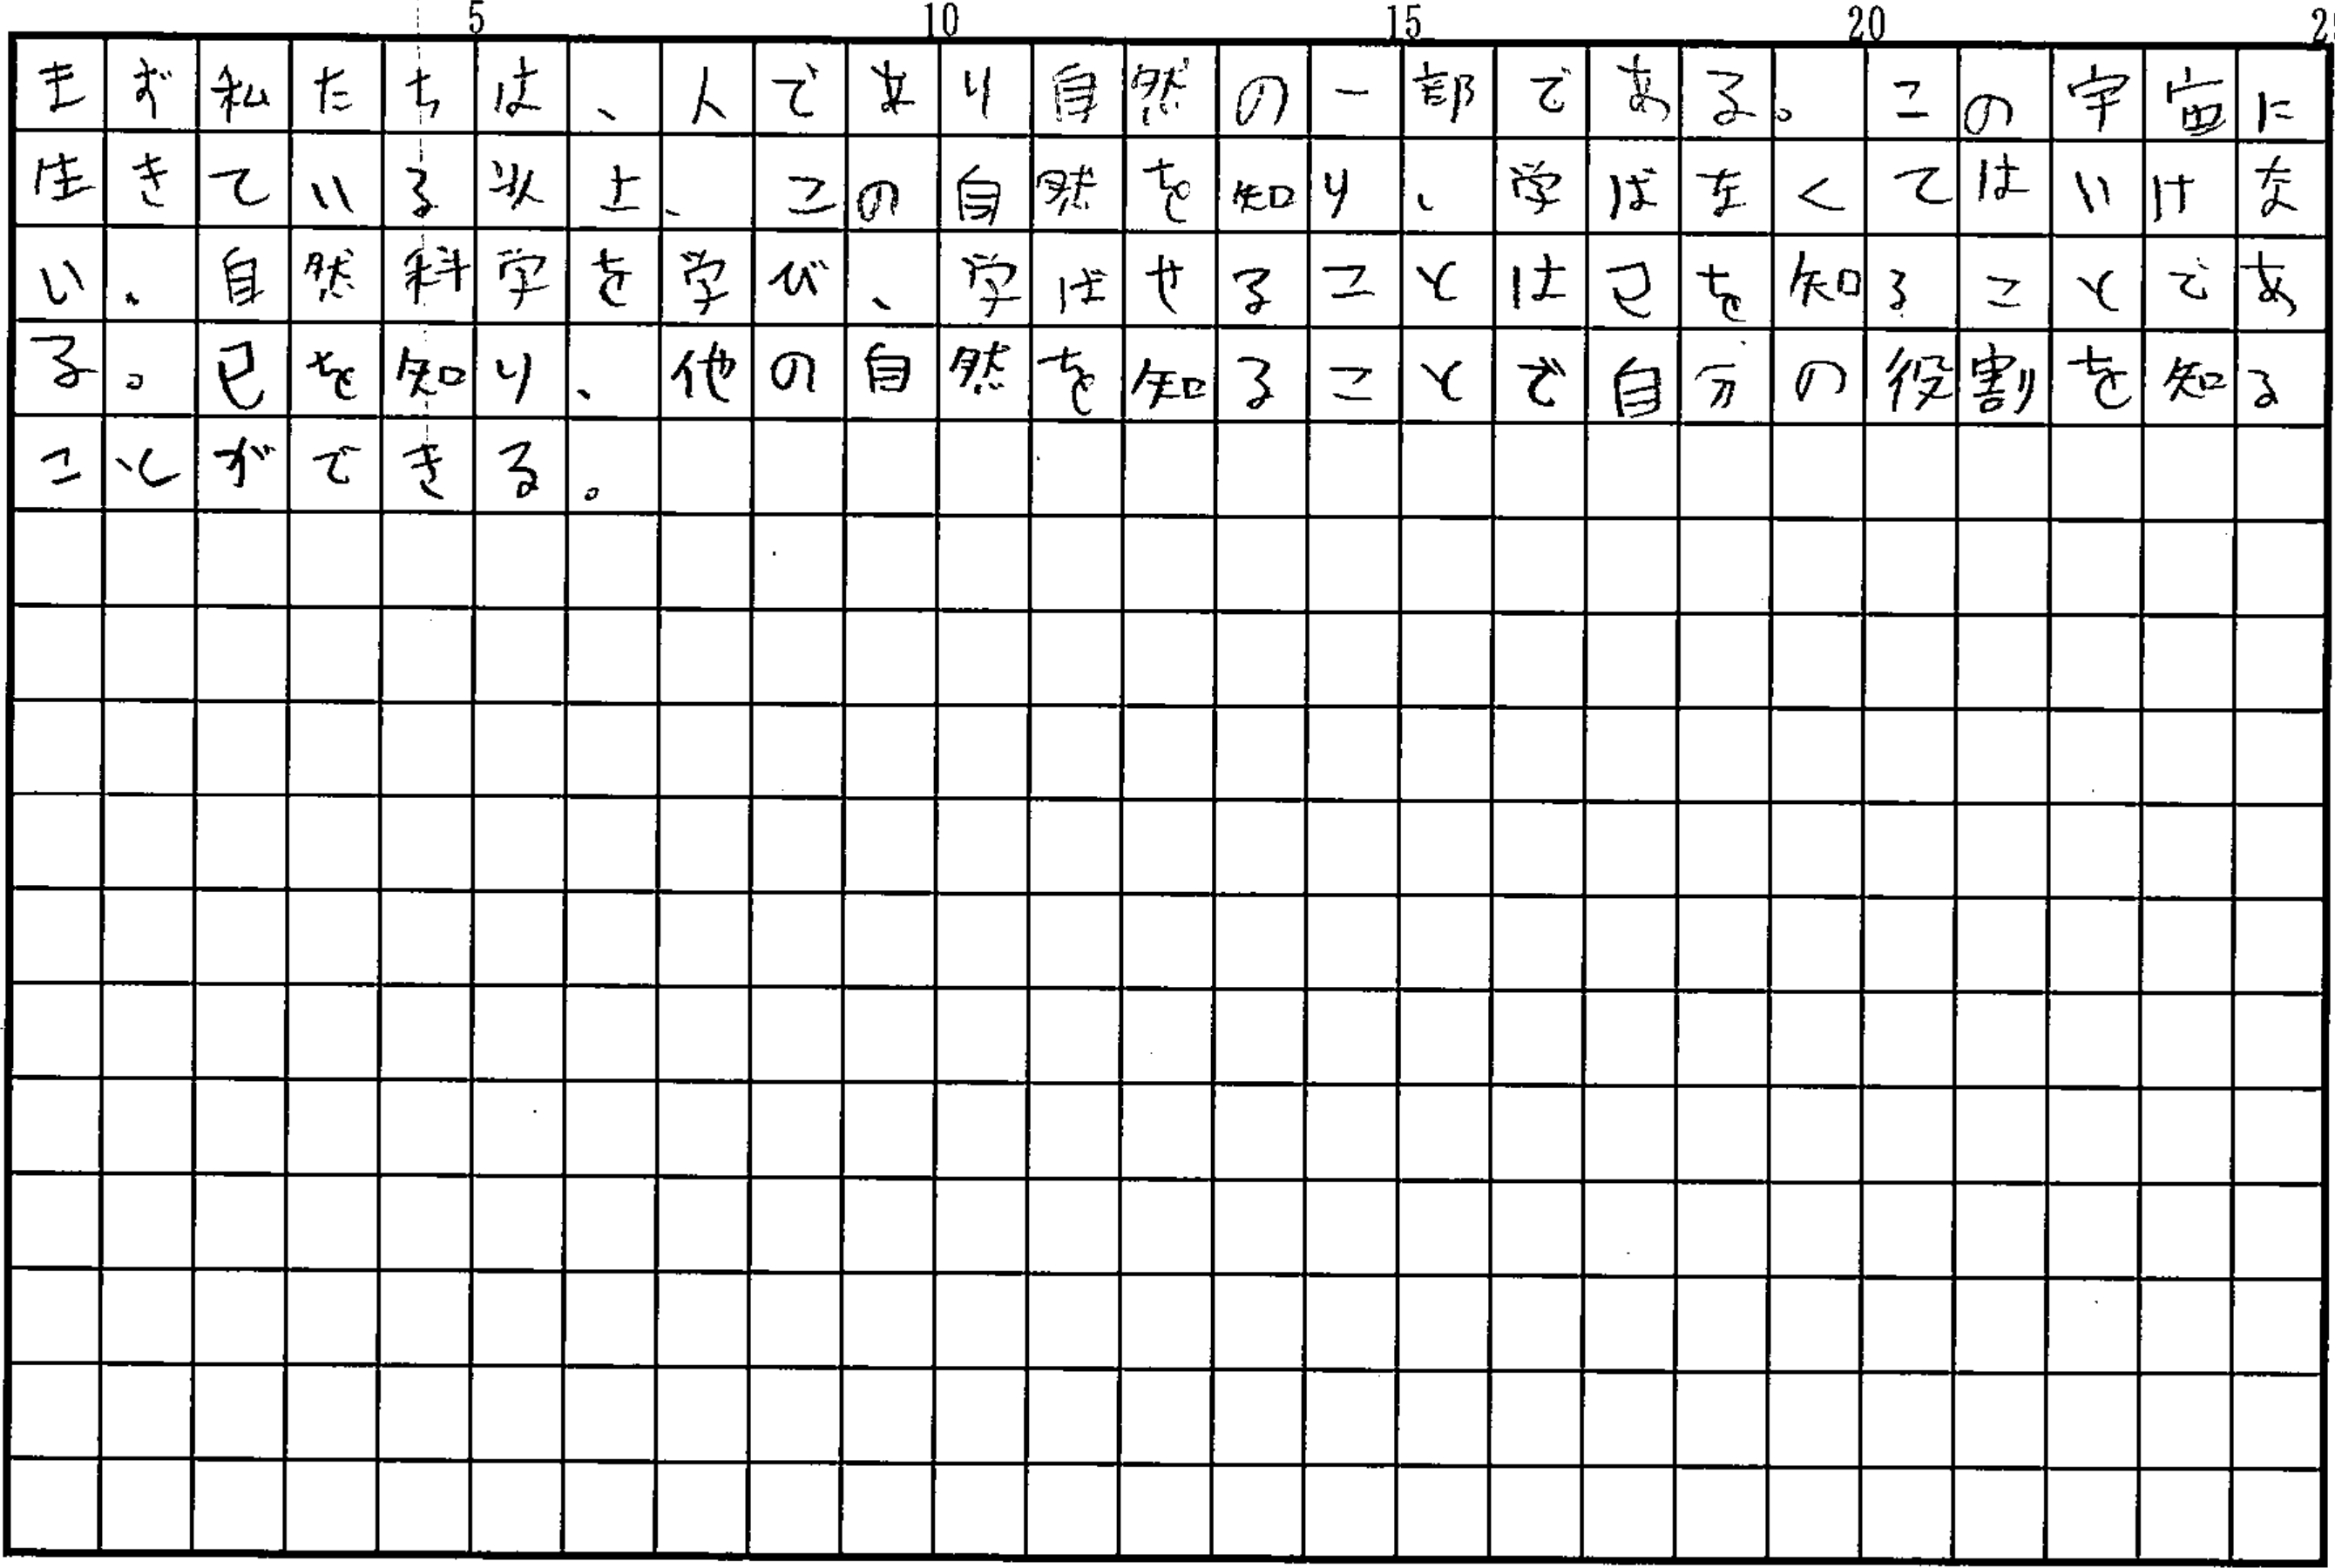まず私たちは、人であり自然の一部である。この宇宙に生きている以上、この自然を知り、学ばなくてはいけない。自然科学を学び、学ばせることは己を知ることである。巳を知り、他の自然を知ることで自分の役割を知ることができる。
